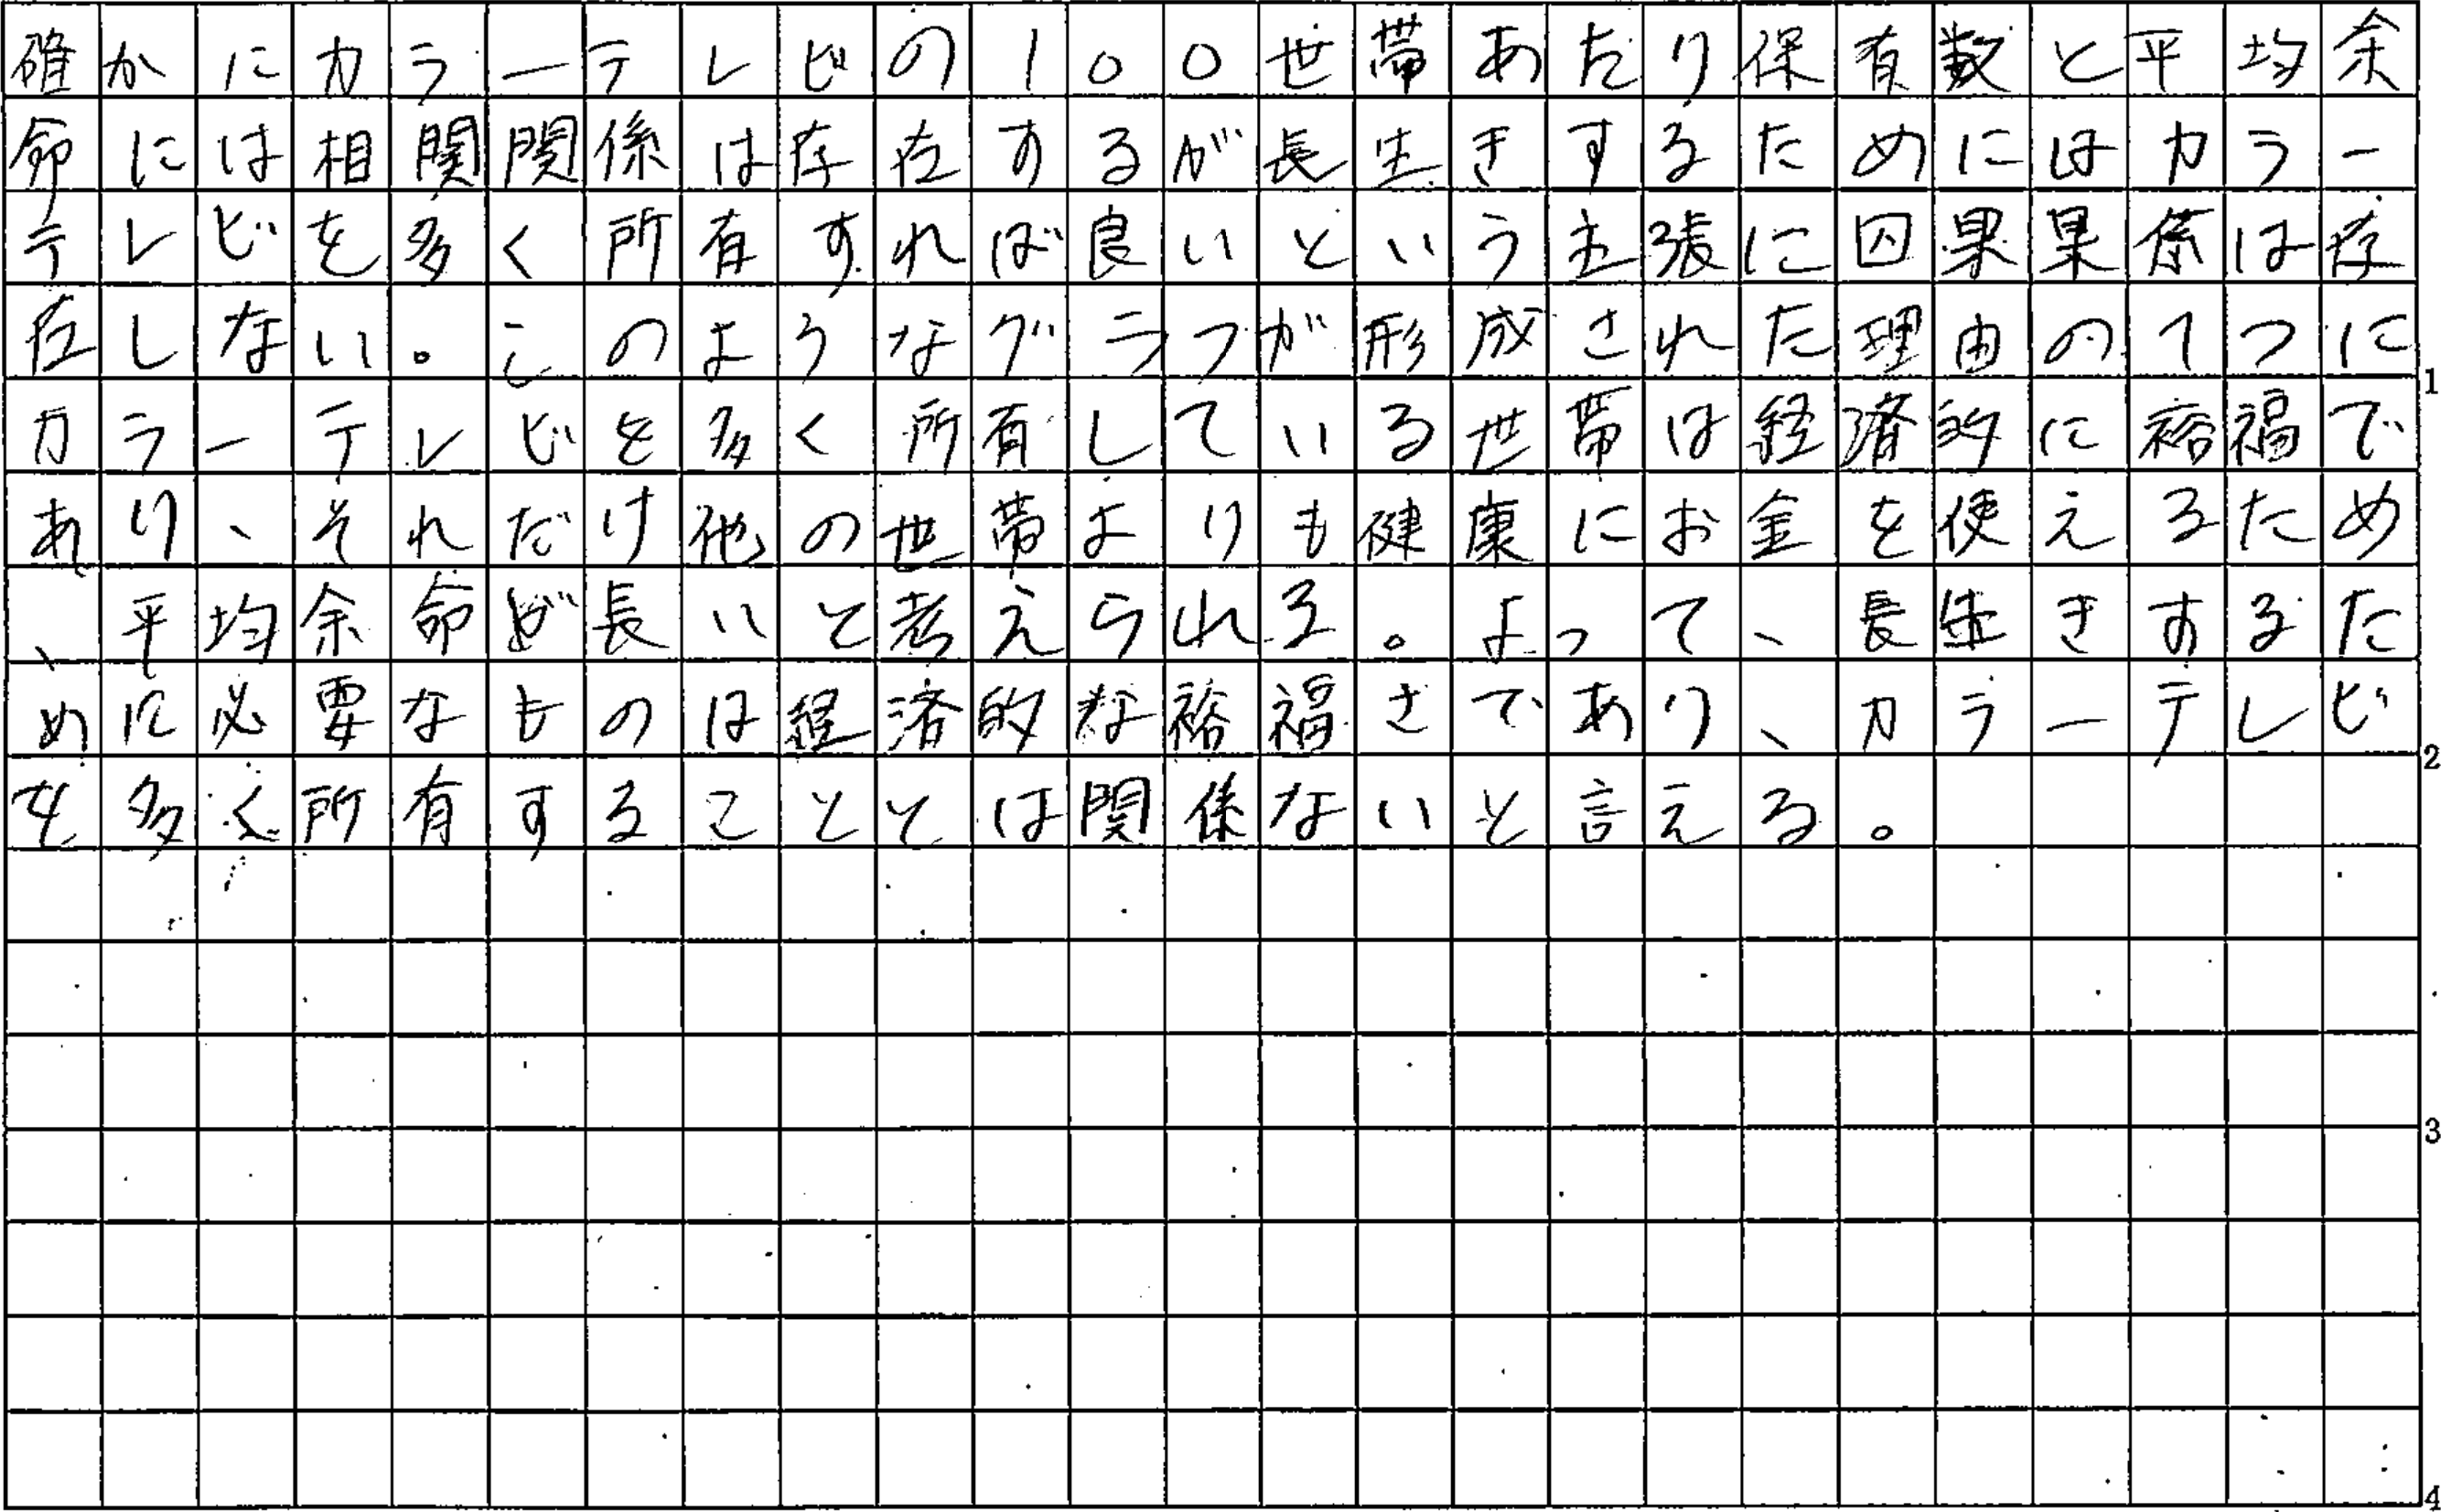確かにカラーテレビの１００世帯あたり保有数と平均余命には相関関係は存在するが長生きするためにはカラーテレビを多く所有すれば良いという主張に▁果果係は存在しない。このようなグラフが形成された理由の１つにカラーテレビを多く所有している世帯は経済的に▁福であり、それだけ他の世帯よりも健康にお金を使えるため、平均余命が長いと考えられる。よって、長生きするために必要なものは経済的な裕福さであり、カラーテレビを多く所有することとは関係ないと言える。
